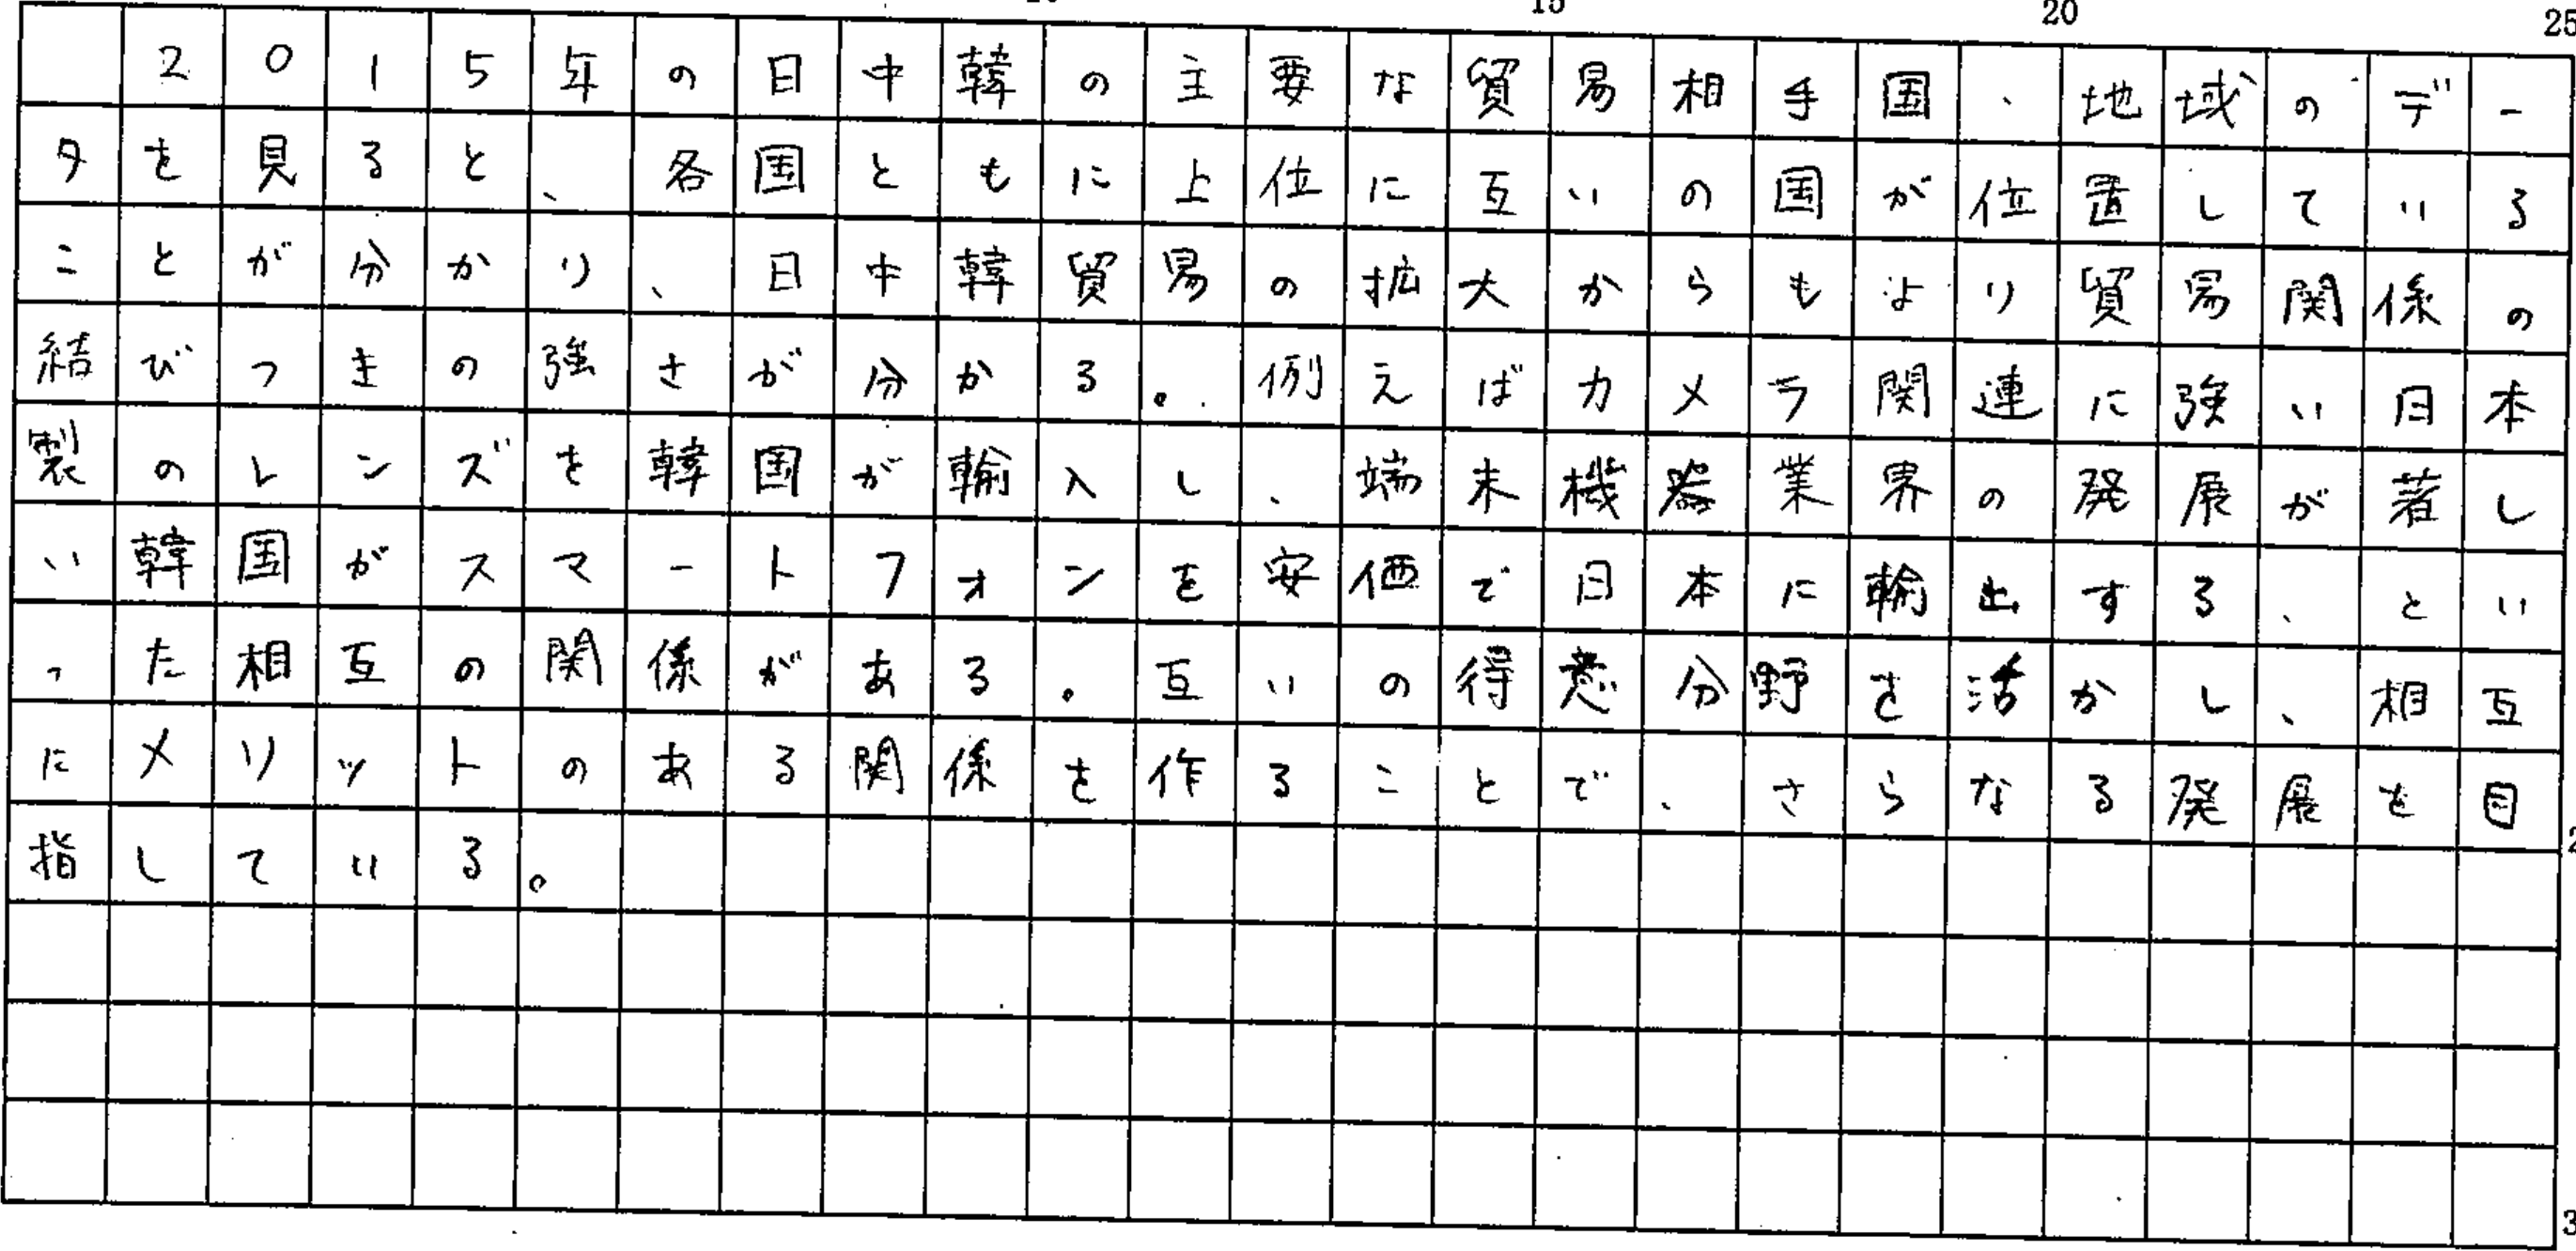　２０１５年の日中韓の主要な貿易相手国・地域のデータを見ると、各国ともに上位に互いの国が位置していることが分かり、日中韓貿易の拡大からもより貿易関係の結びつきの強さが分かる。例えばカメラ関連に強い日本製のレンズを韓国が輸入し、端末機器業界の発展が著しい韓国がスマートフォンを安価で日本に輸出する、といった相互の関係がある。互いの得意分野を活かし、相互にメリットのある関係を作ることで、さらなる発展を目指している。
